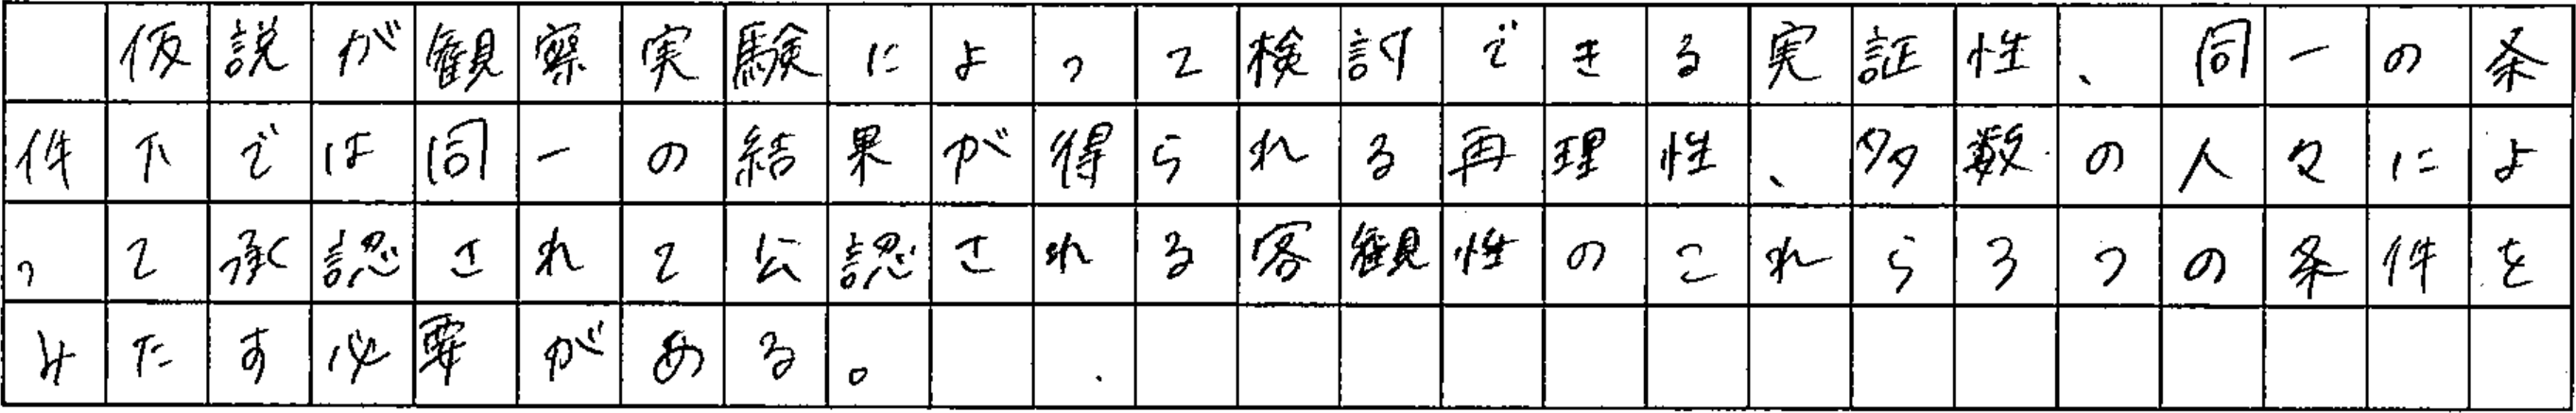　仮説が観察実験によって検討できる実証性、同一の条件下では同一の結果が得られる再理性、多数の人々によって承認されて公認される客観性のこれらの３つの条件をみたす必要がある。
